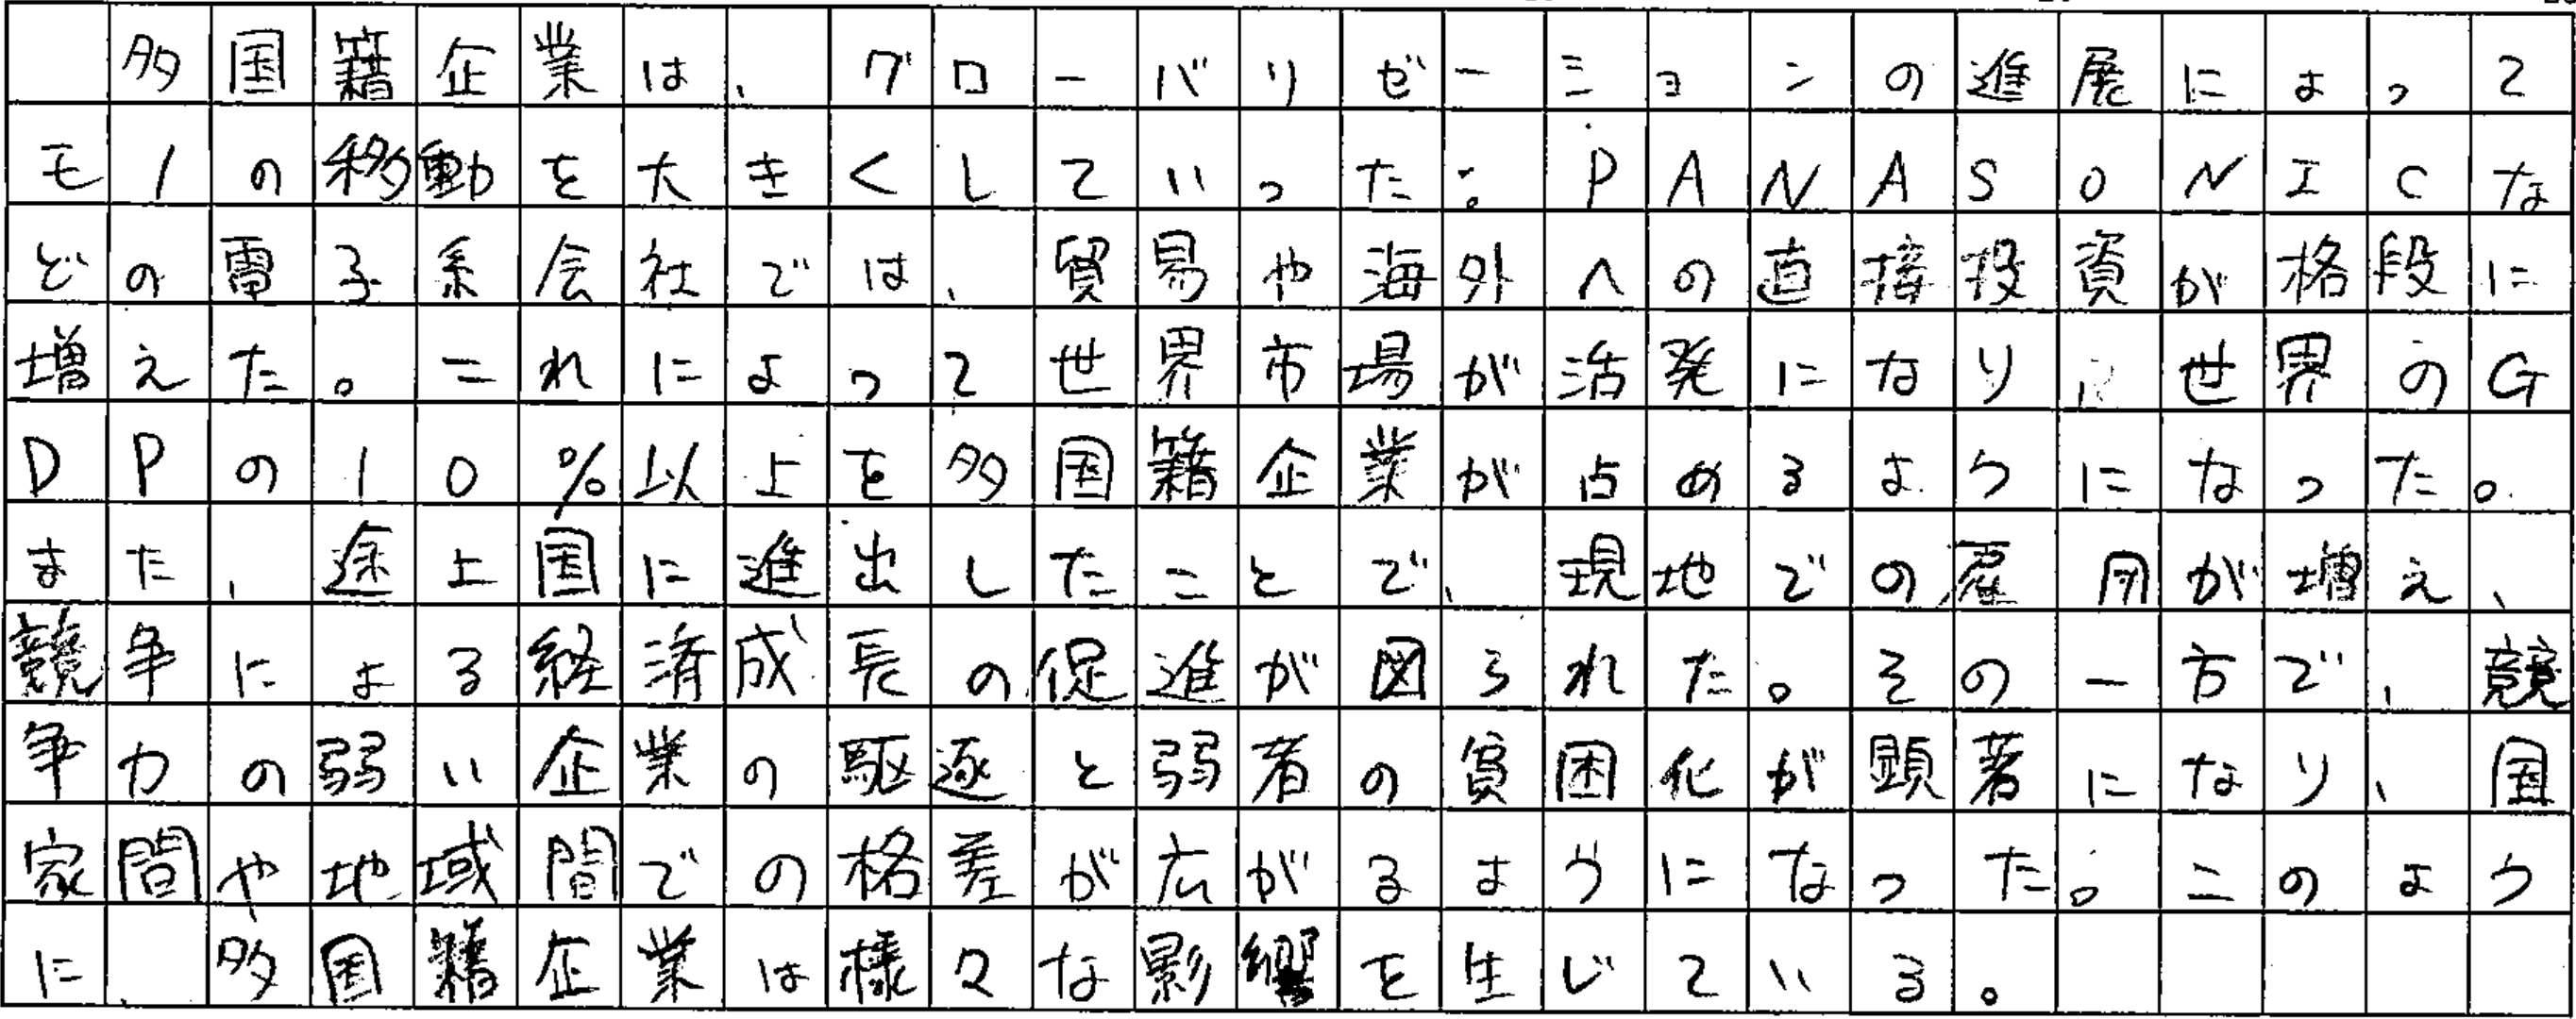　多国籍企業は、グローバリゼーションの進展によってモノの移動を大きくしていった。ＰＡＮＡＳＯＡＮＩＣなどの電子系会社では、貿易や海外への直接投資が格段に増えた。これによって世界市場が活発になり、世界のＧＤＰの１０％以上を多国籍企業が占めることになった。また、途上国に進出したことで、現地での雇用が増え、競争による経済成長の促進が図られた。その一方で、競争力の弱い企業の駆逐と弱者の貧困化が顕著になり、国家間や地域間での格差が広がるようになった。このように、多国籍企業は様々な影響を生じている。
